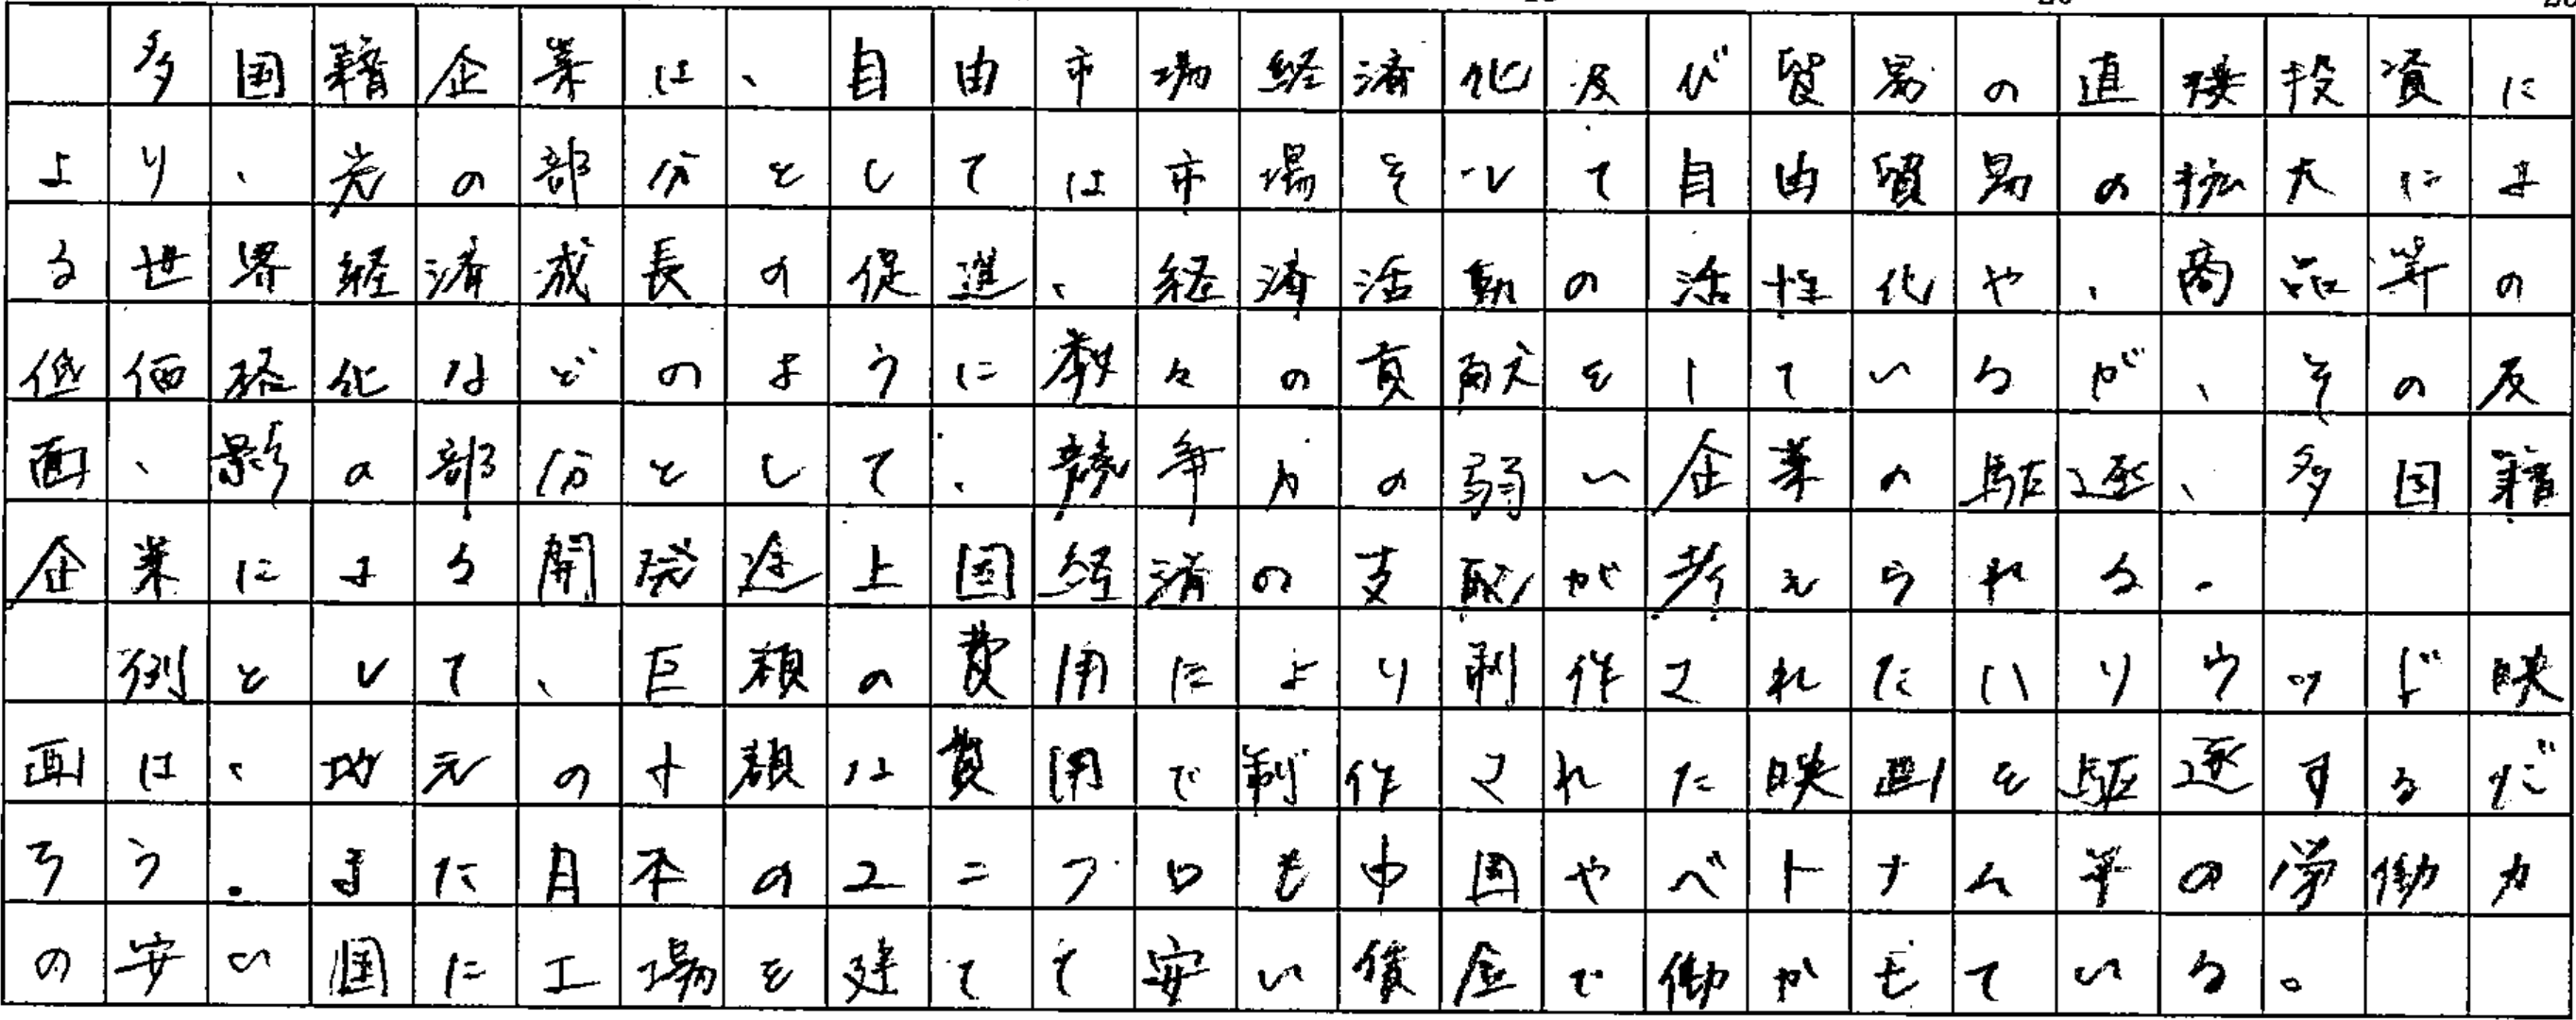　多国籍企業は、自由市場経済化及び貿易の直接投資により、光の部分としては市場そして自由貿易の拡大による世界経済成長の促進、経済活動の活性化や、商品等の低価格化などのように数々の貢献をしているが、その反面、影の部分として、競争力の弱い企業の駆逐、多国籍企業による開発途上国経済の支配が考えられる。
　例として、巨額の費用により制作されていたハリウッド映画は、地元の小額な費用で制作された映画を駆逐するだろう。また日本のユニクロも中国やベトナム等の労働力の安い国に工場を建てて安い賃金で働かせている。
